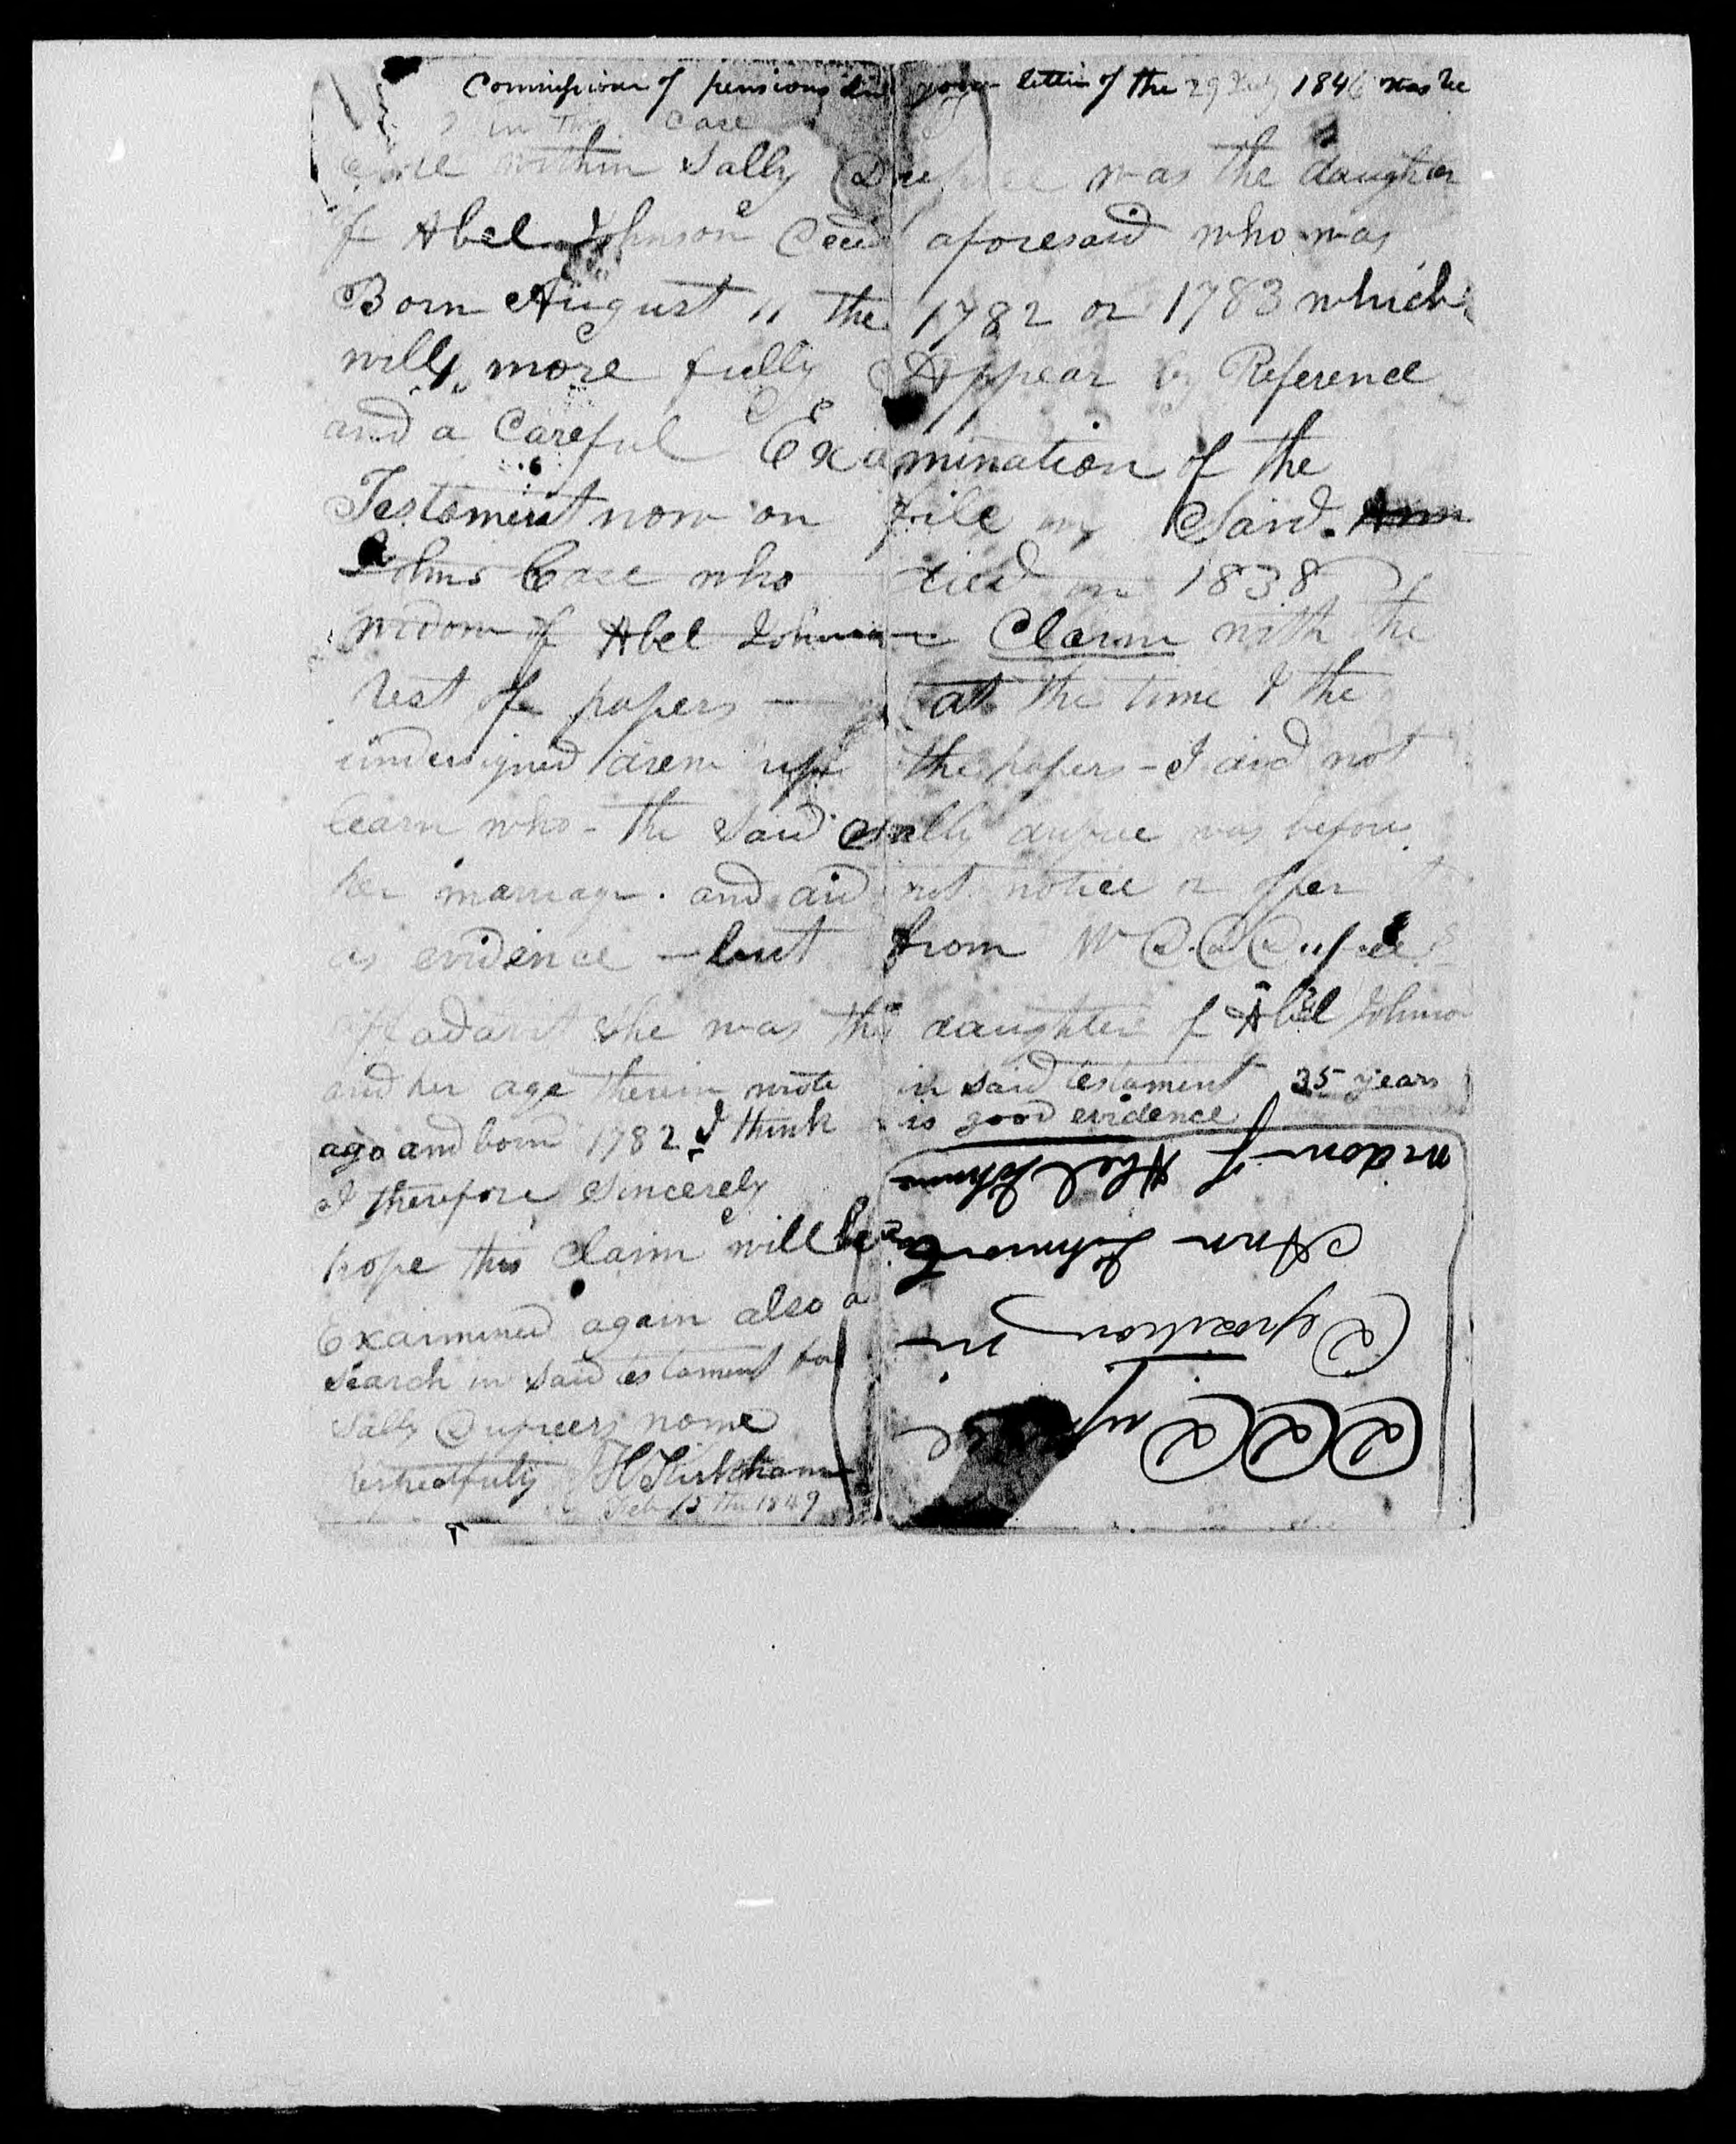Commissioner of pension your letter of the 29 July 1846 was received in the case within Sally Dupree was the daughter of Abel Johnson deceased aforesaid who was Born August 11 the 1782 or 1783 which will more fully appear by Reference and a careful examination of the Testament now on file in Amos Johnson case who died 1838 widow of Abel Johnson  Claim with the rest of papers at the time and the undersigned drew up the papers-- I did not learn who the said Sally Dupree was before her marriage, and did not notice or offer as  evidence but from Mr. D. D. Dupree’s affidavit she was the daughter of Abel Johnson and her age therein wrote in said testament 35 years ago and born 1782 I think is good evidence I therefore sincerely hope this claim will be examined again also a search in Said testament for Sally Dupree’s name Repectfully H. Kirkham  Feb. 15th 1849
2  D D. Dupree Deposition in Ann Johnson widow of Abel Johnson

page: 13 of 74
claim: rejected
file: R. 5600, for Abel Johnson, North Carolina